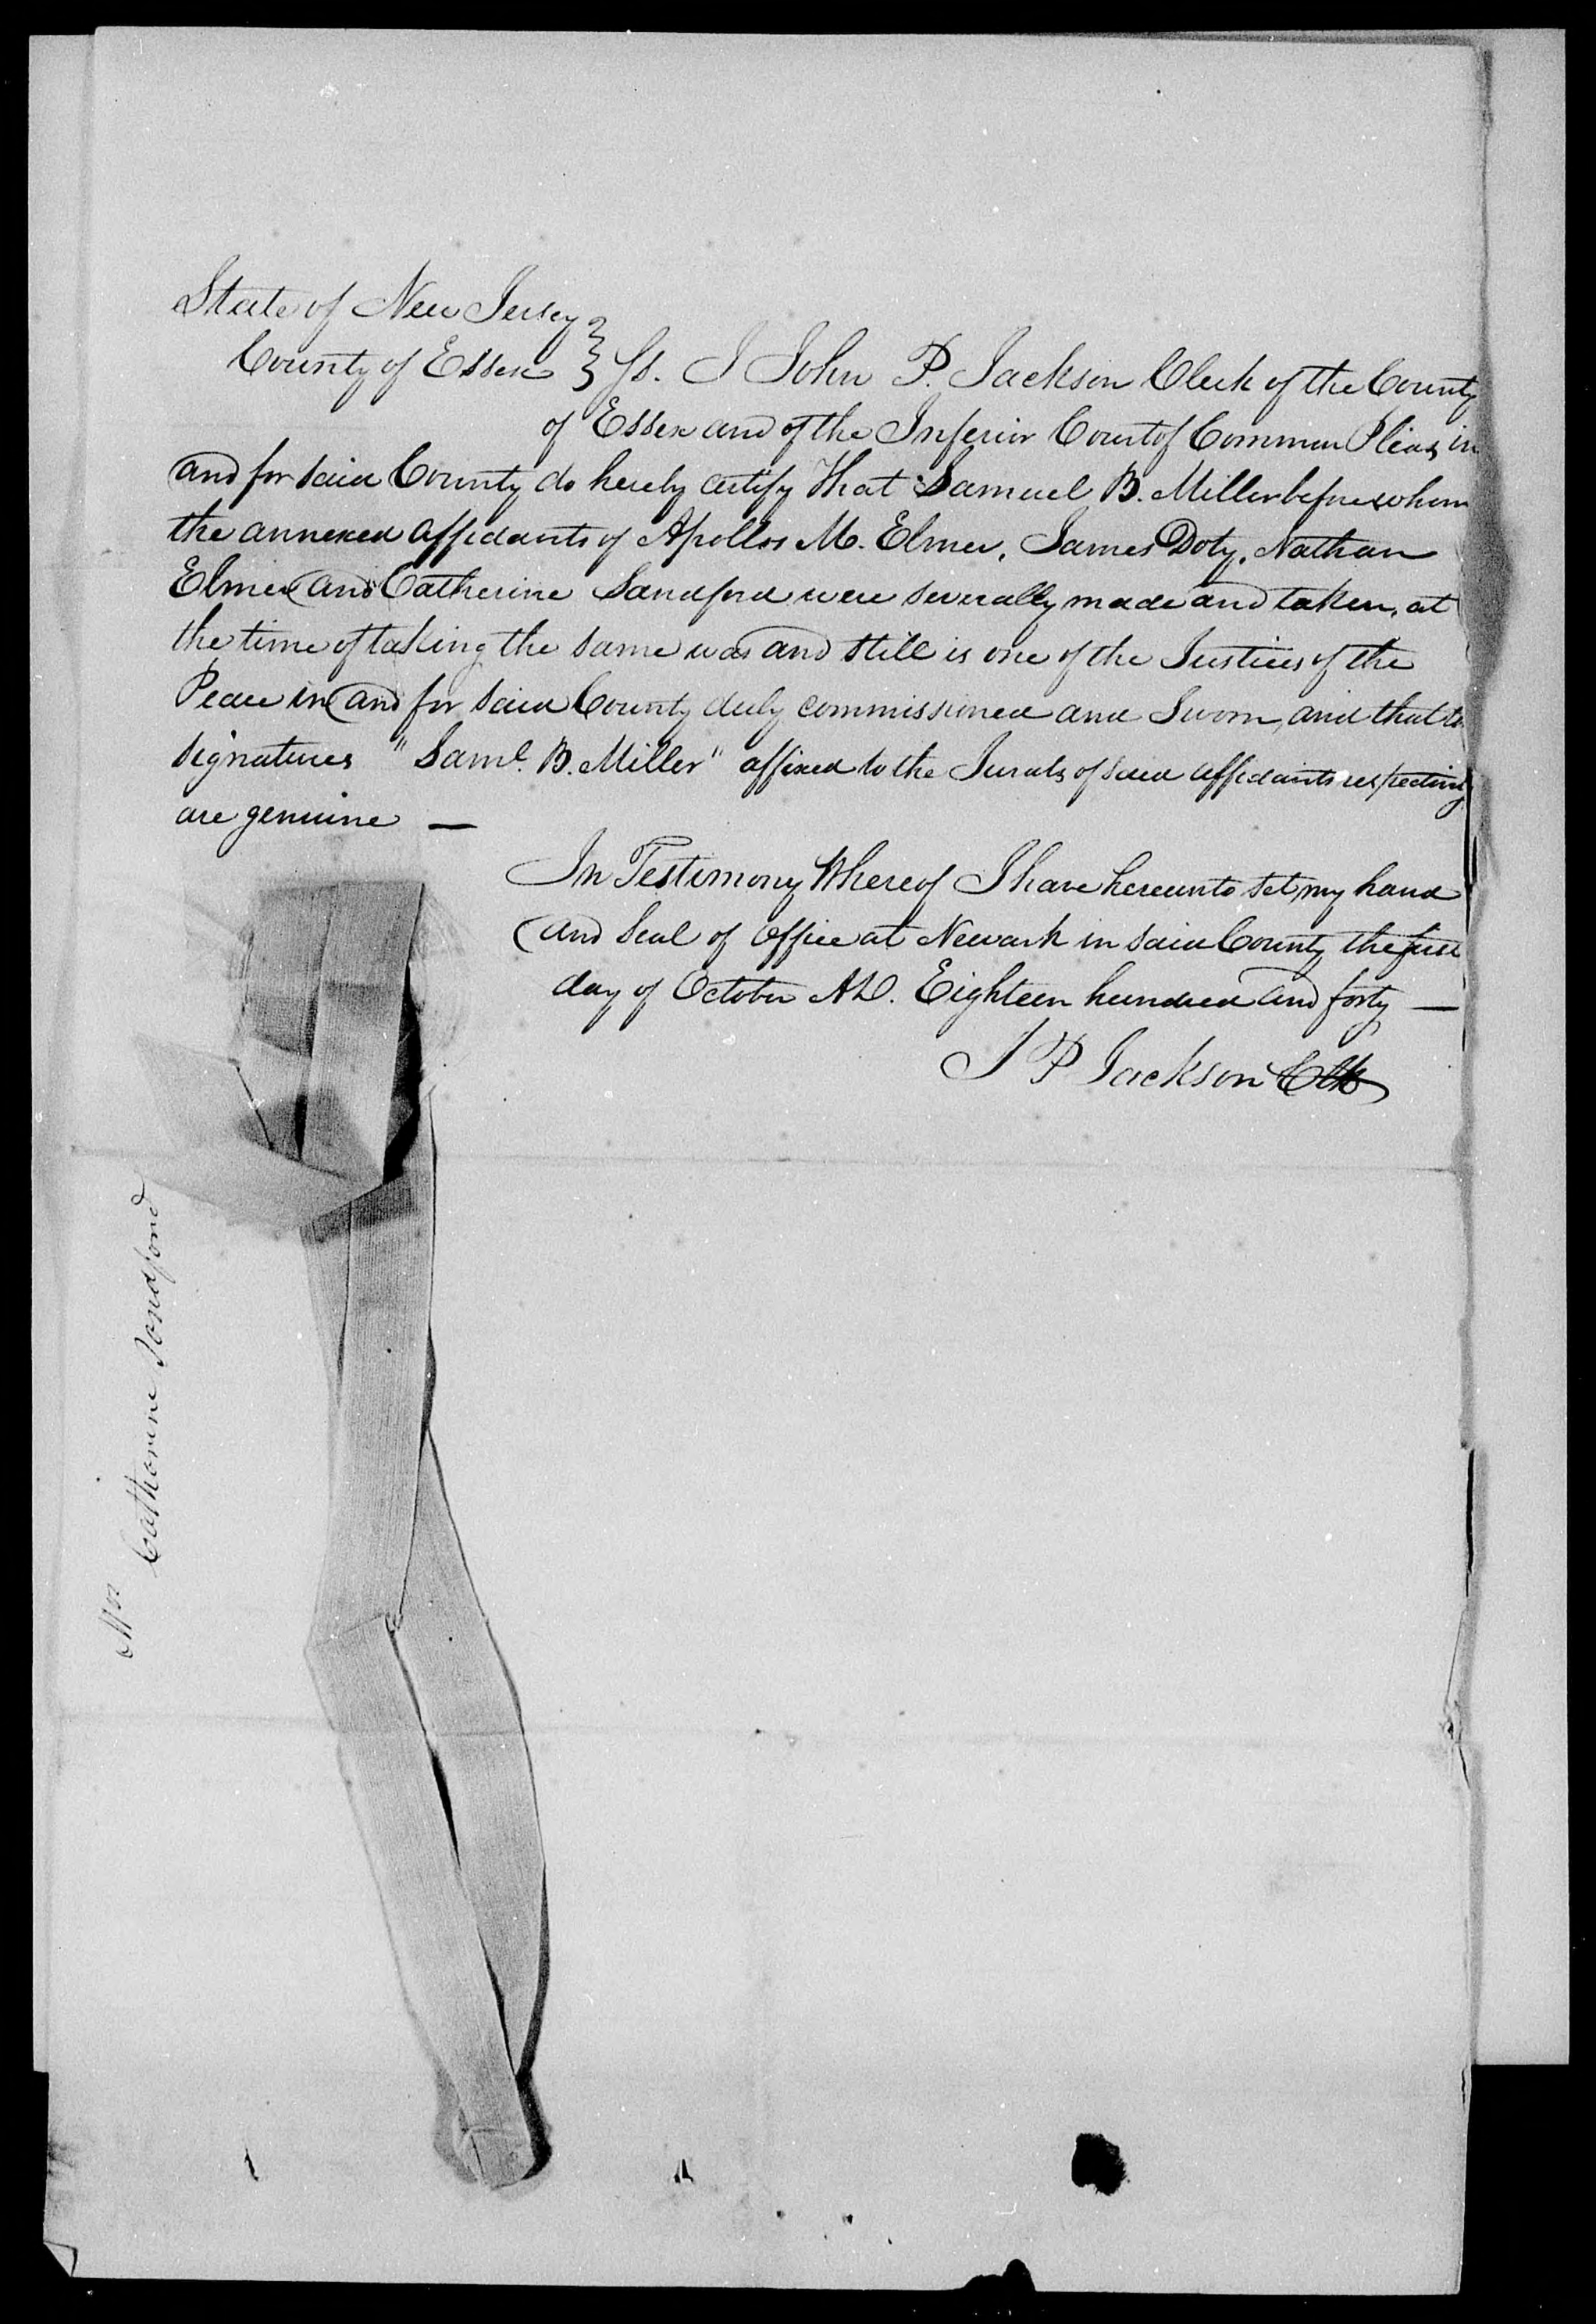State of New Jersey )
County of Essex       ) SS.
  I John P. Jackson Clerk of the County of Essex and of the Inferior Court of Common Pleas in and for Said County to hereby certify that Samuel B. Miller before whom the annexed affidavit of Appolos M. Elmer, James Doty, Nathan Elmer and Catherine Sandford were serverally made and taken at the time of taking the same was and still is one of the Justices of the Peace in and for Said County duly commissioned and Sworn, and that the signature "Saml. B. Miller" affixed to the Jurals of said affidavits respectively are genuine -
[seal with ribbon affixed]
In Testimony Where I have hereunto set my hand and Seal of Office at Newark in Said County the first day of October AD. Eighteen hundred and forty -
   J P Jackson Clk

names: James Doty; John P Jackson; Samuel B Miller; Nathan Elmer; Catherine Sandford; Apollos M Elmer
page: 13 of 25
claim: widow's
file: W. 187, for Ludlow Ogden, New Jersey